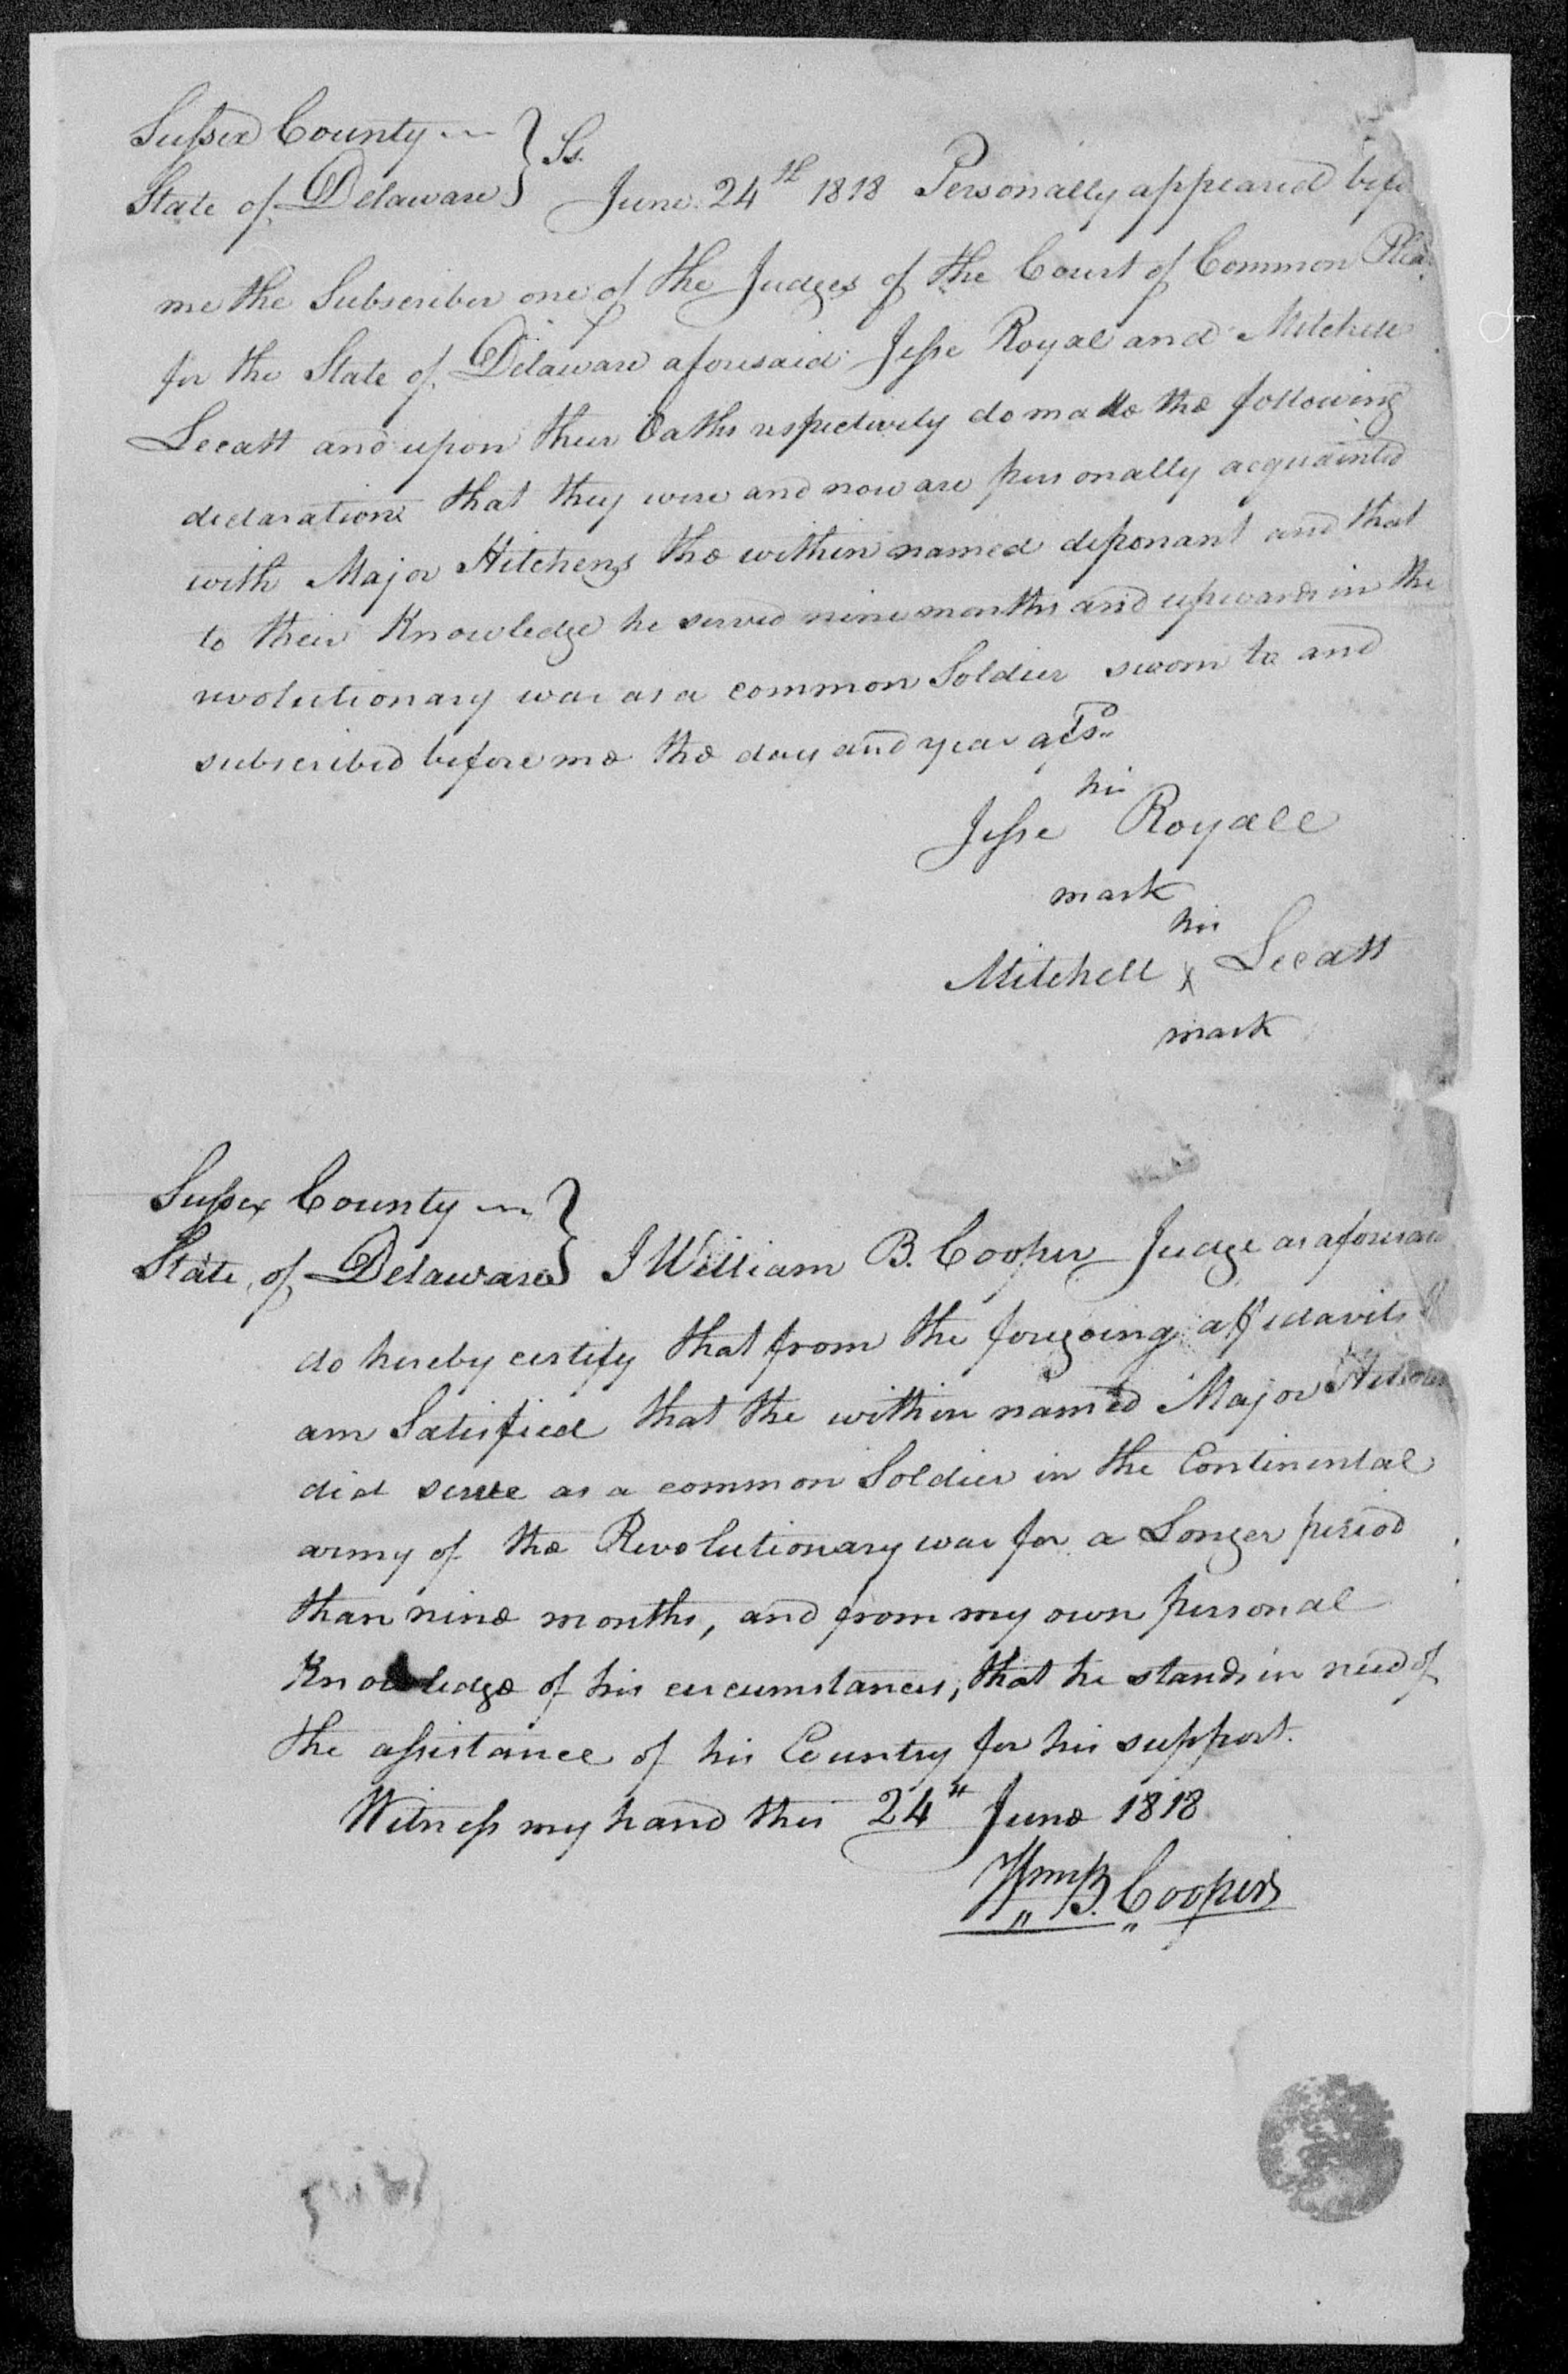Sussex County 
State of Delaware

June 24th 1818 Personally appeared before me the Subscriber one of the Judges of the Court of Common Pleas for the State of Florida aforesaid Jesse Royal and Mitchell Lecatt and upon their oaths respectively do make the following declaration that they were and now are personally acquainted with Major Hitchens the within named deponent and that to their knowledge he served nine months and upwards in the revolutionary war as a common soldier sworn to an subscribed before me the day and year above.


Jesse Royall his mark
Mitchell Lecatt his mark

Sussex County
State of Delaware

I William B. Cooper Judge as aforesaid do hereby certify that from the forgoing affidavits am satisfied that the within names Major Hitchens did serve as a common Soldier in the Continental army of the Revolutionary war for a longer period than nine months, and from my own personal knowledge of his circumstances, that he stands in need of the assistance of his Country for his support.

Witness my hand this 24th June 1818

Wm. B. Cooper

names: Wm B Coopers, William B Cooper, Major Hitchen, Major Hitchens, Mitchell Lecatt, Jesse Royal, Mitchell Lecatt, Jesse Royall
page: 10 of 21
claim: survivor's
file: S. 36017, Major Hitchens, Del.